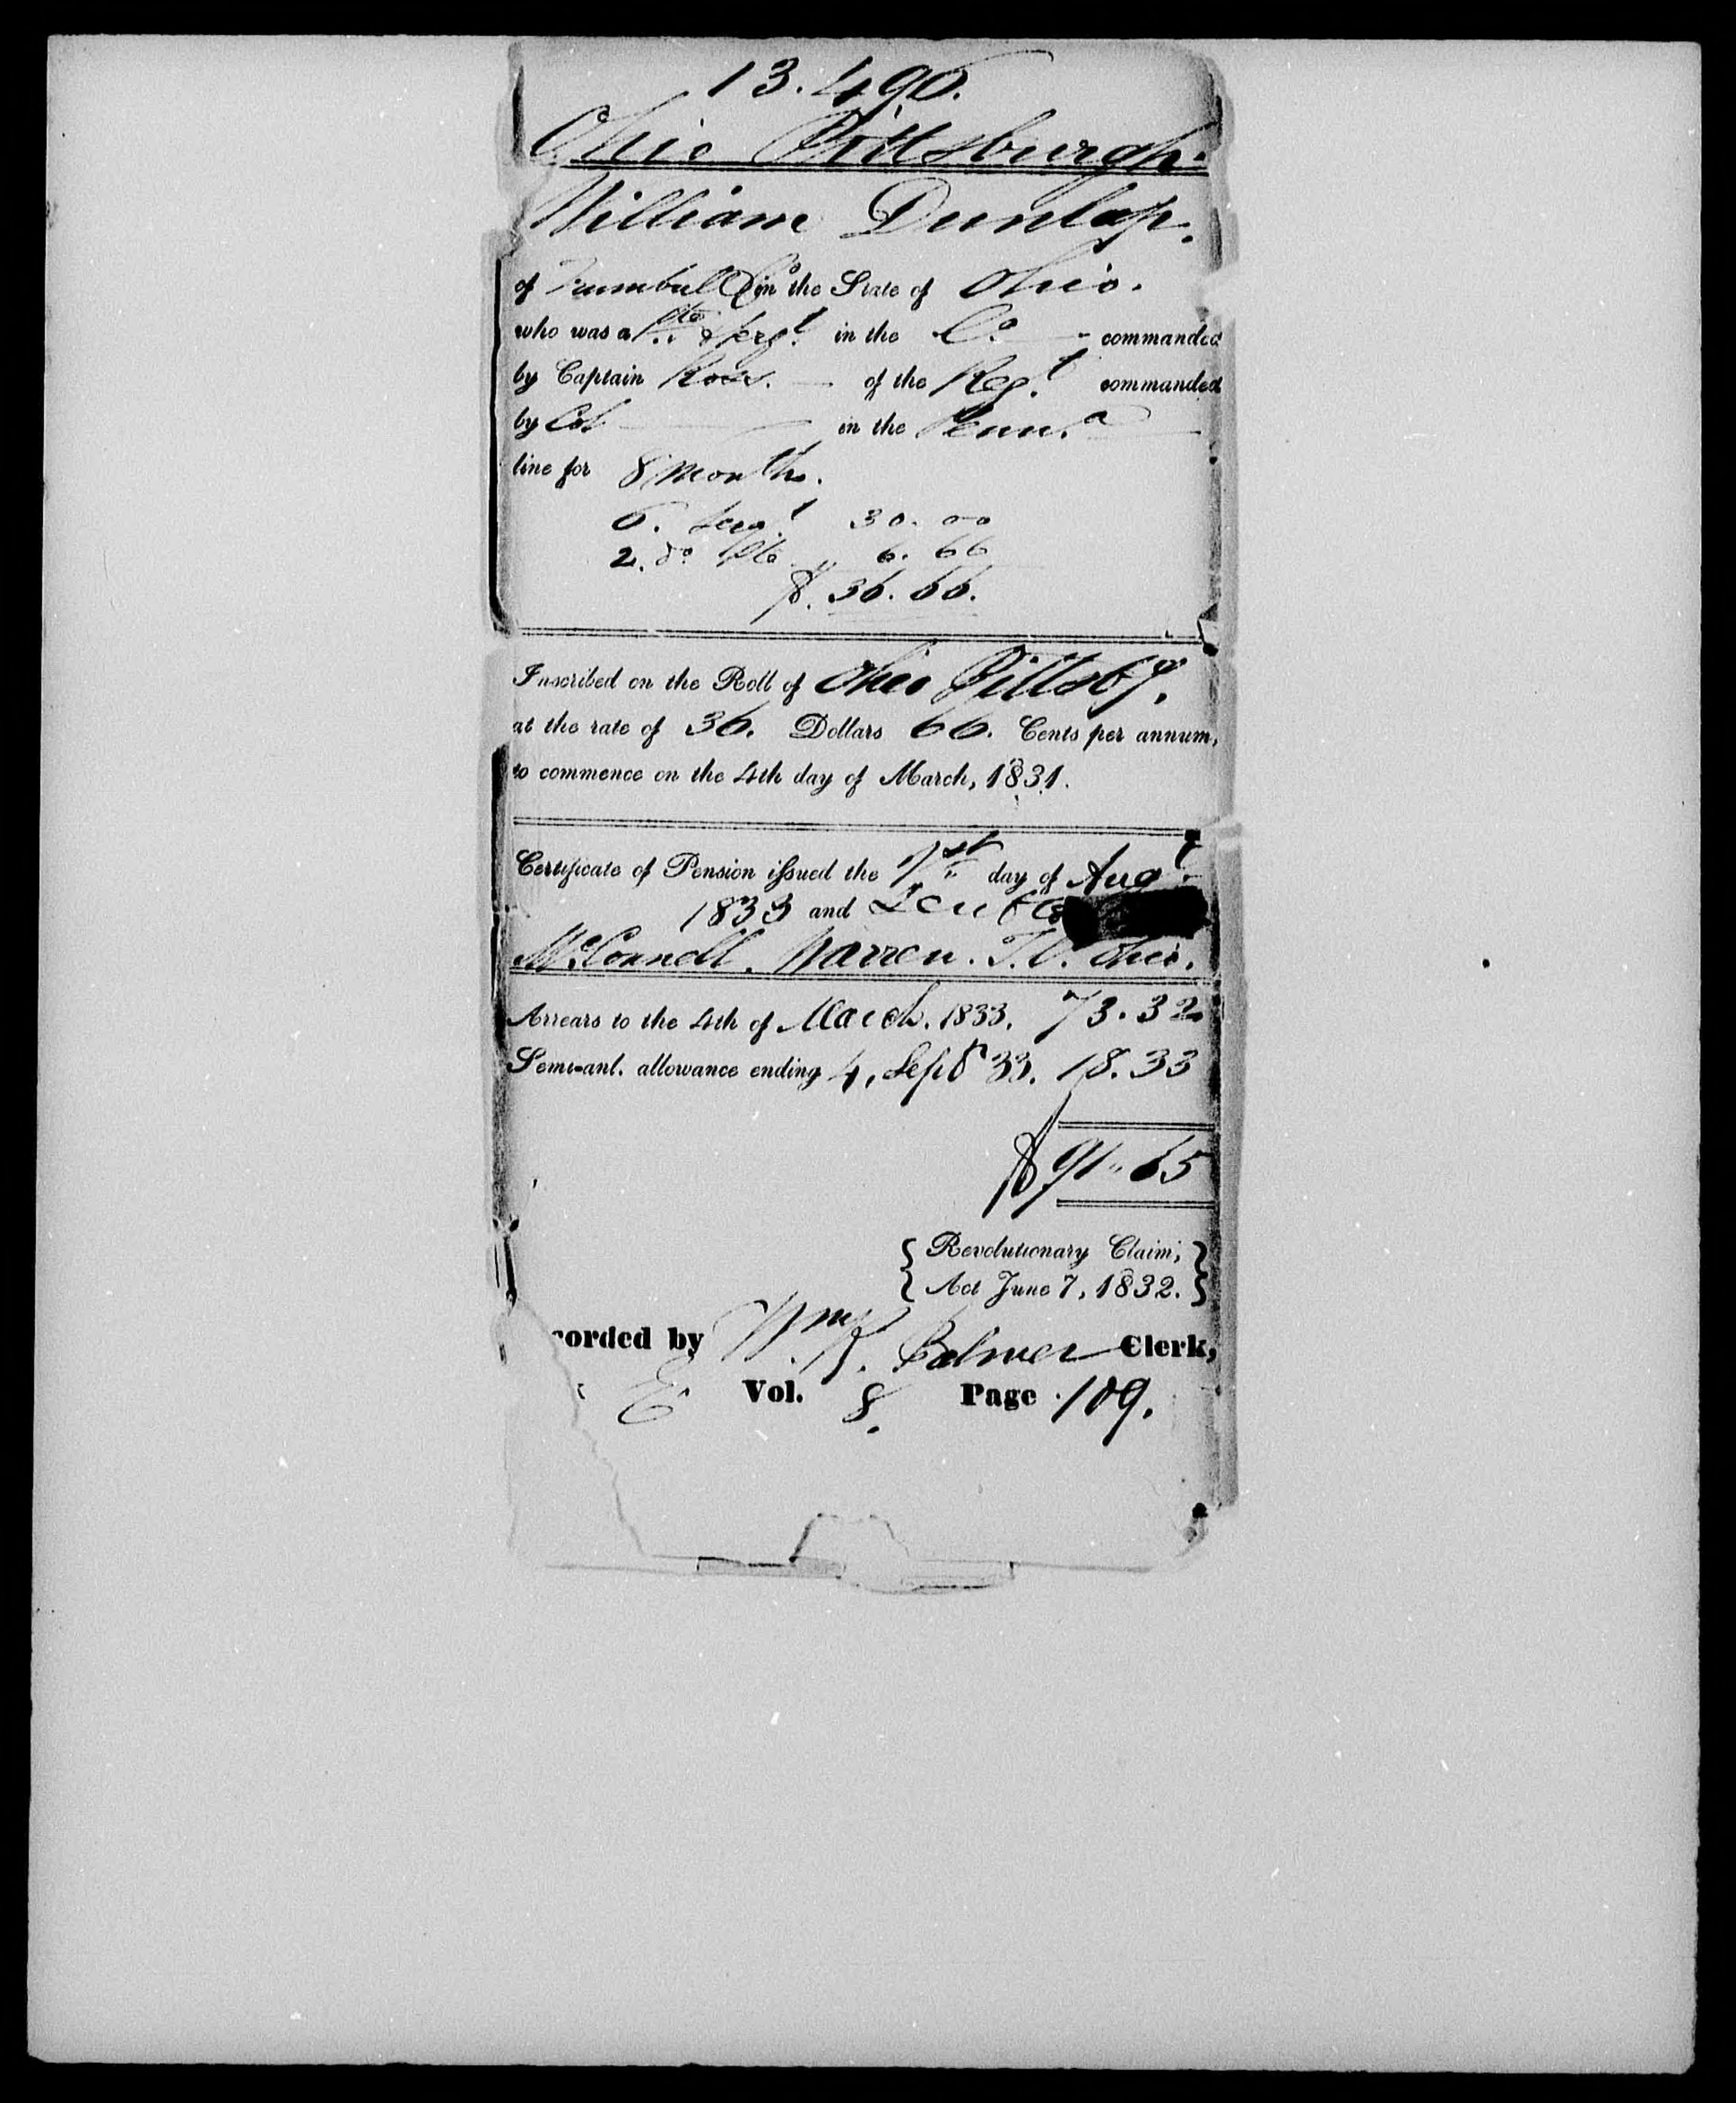13. 490.
Ohio Pittsburgh.
William Dunlap.
of Trumbull C in the State of Ohio
who was a [illegible] in the Co commanded
by Captain Ross of the Regt commanded
by Col.-- in the [illegible]
line for 8 months
6. [illegible] 30.00
2. [illegible] 6.66
$36.66.
Inscribed on the Roll of Ohio Pittsbg,
at the rate of 36. Dollars 66. Cents per annum
to commence on the 4th day of March, 1831
Certificate of Pension issued the 1st day of Aug
1833 and [illegible word with ink blot]
McConnell . Warren .  [illegible]
Arrears to the 4th of March, 1833, 73.32
Semi-anl. allowance ending 4 Sep 1833. 18.33
$91.65
Revolutionary Claim;
Act June 7, 1832.
Recorded by Wm. R. Palmer Clerk,
Vol. 8. Page 109.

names: Mc Connell, Ross, William Dunlap, Wm R Palmer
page: 2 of 24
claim: survivor's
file: S. 15,415, William Dunlap, Penn.